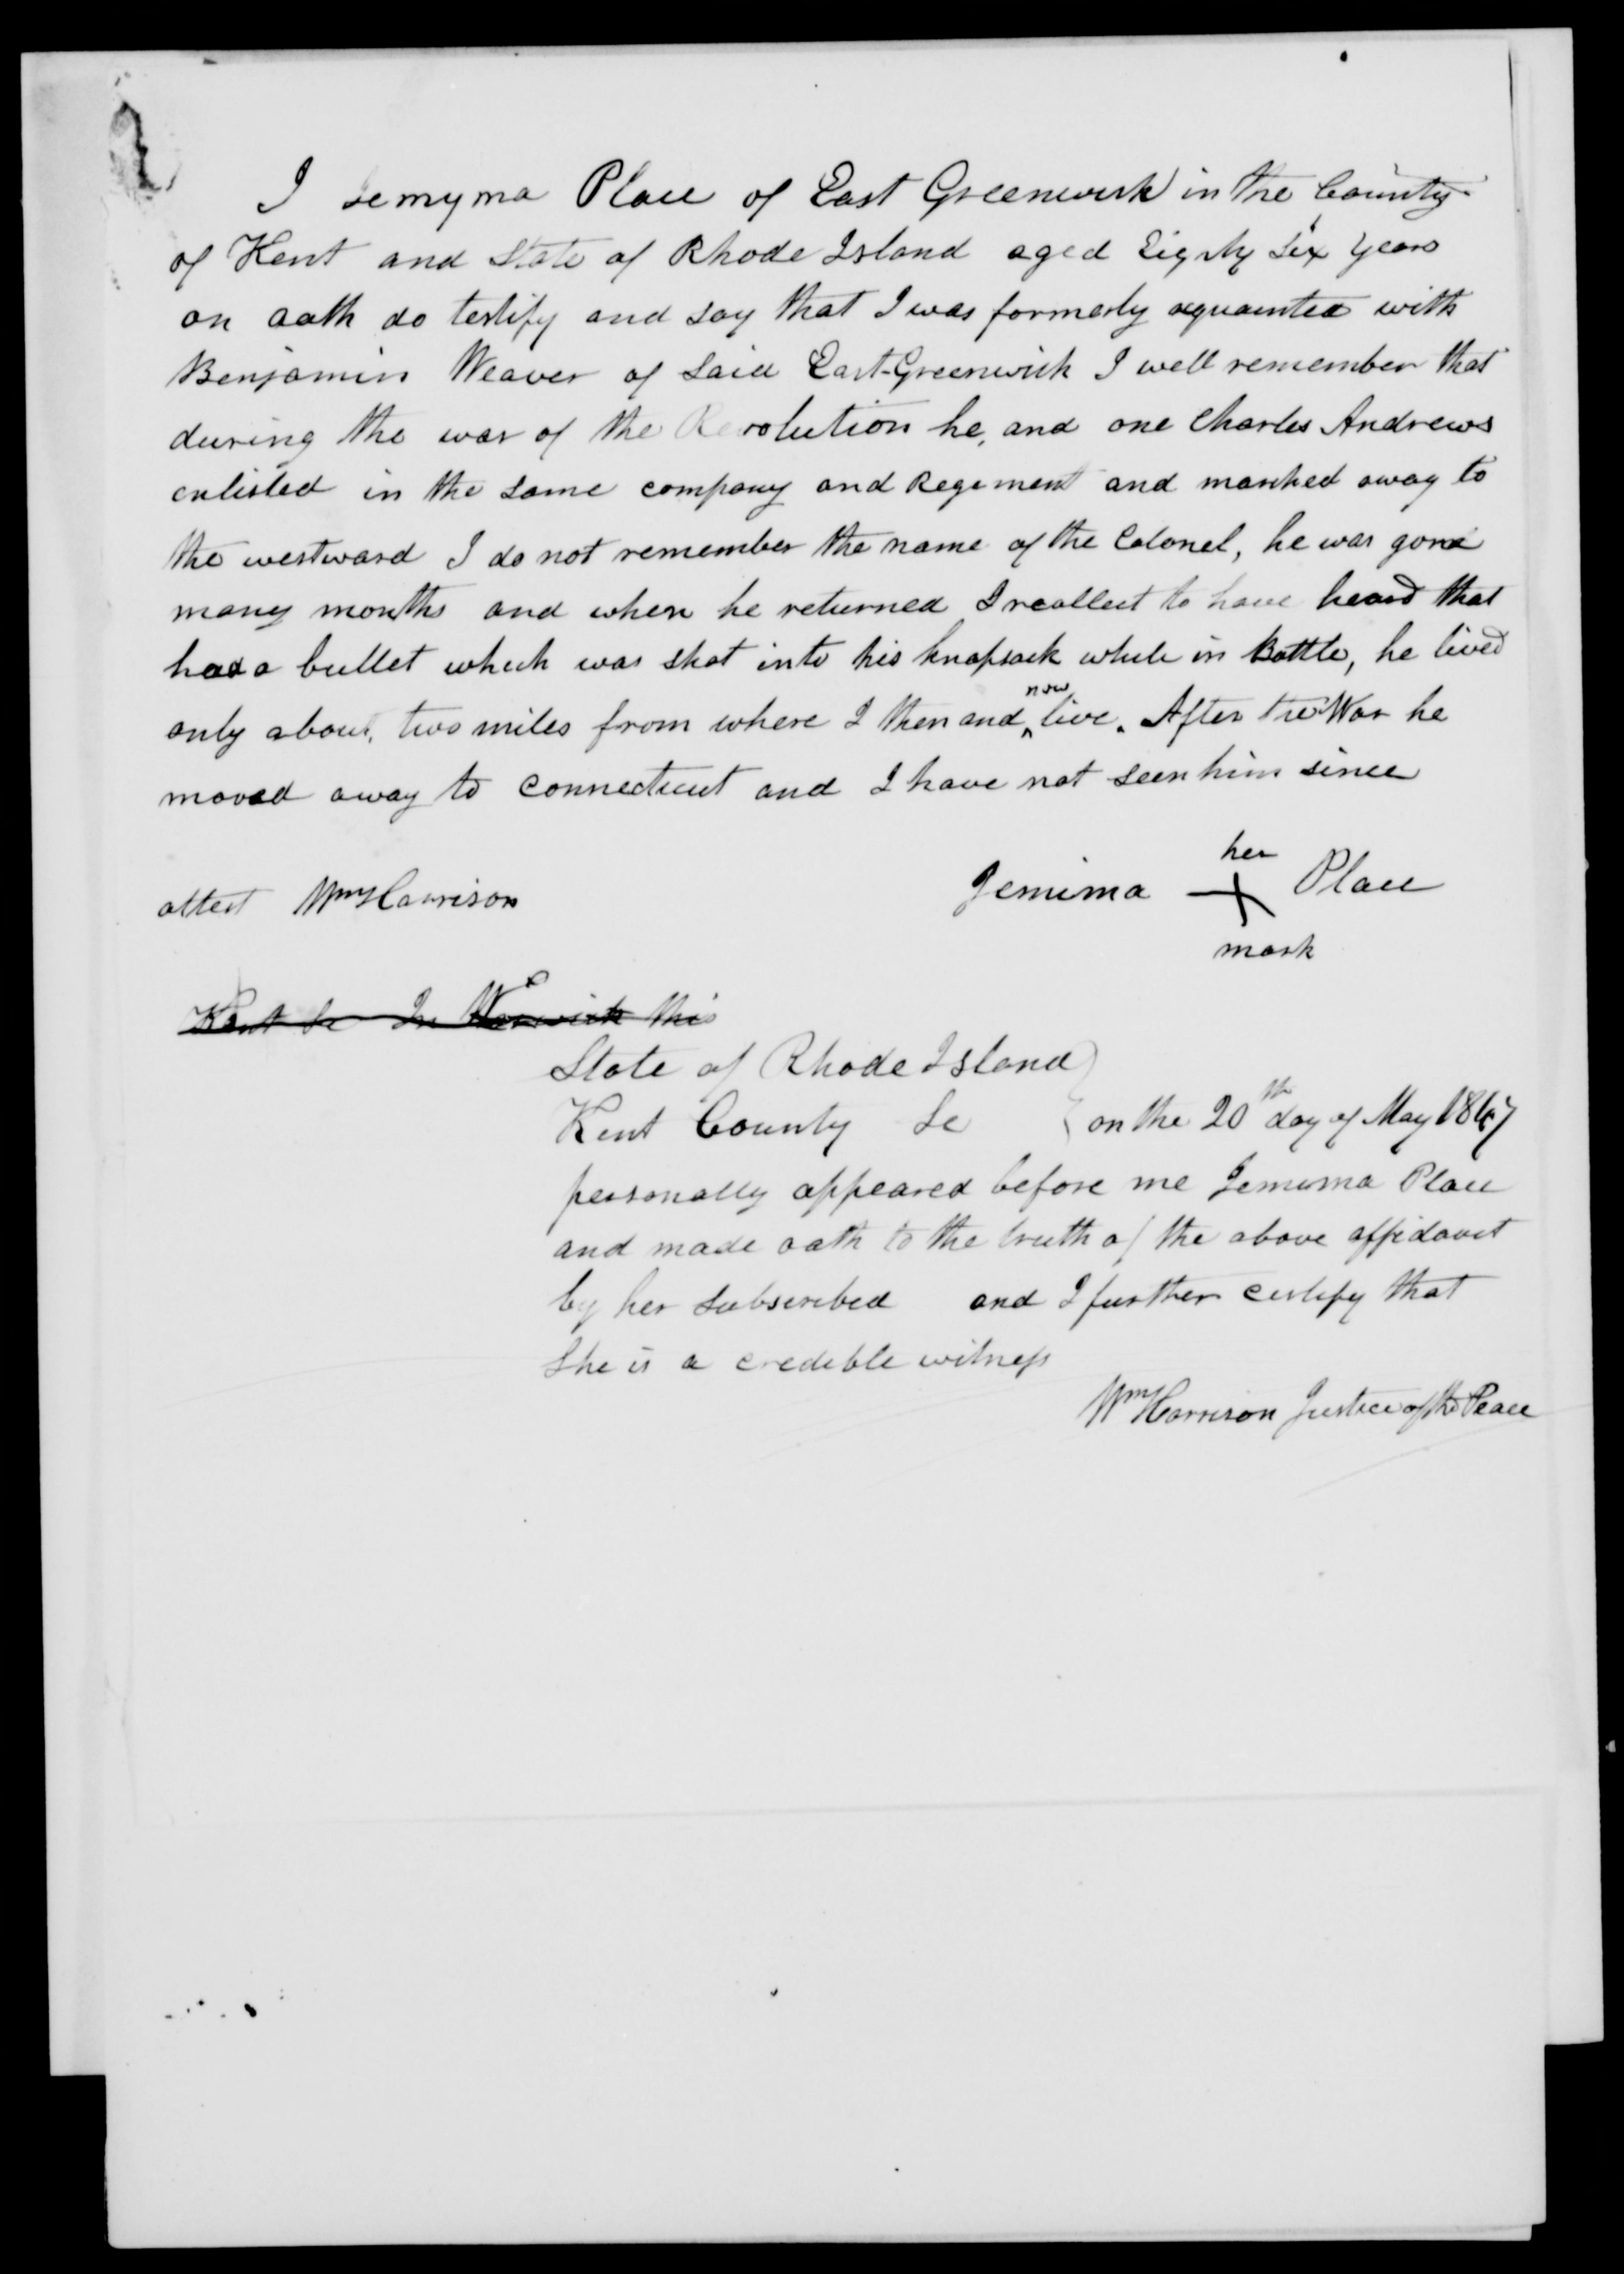I Jemyma Place of East Greenwich in the County of Kent and State of Rhode Island aged eighty six years on oath do testify and say that I was formerly acquainted with Benjamin Weaver of said East Greenwich I well remember that during the war of the Revolution he and one Charles Andrews enlisted in the same company and regiment and marched away to the westward I do not remember the name of the Colonel, he was gone many months and when he returned I recollect to have heard that had a bullet which was shot into his knapsack while in battle, he lived only about two miles from where I then and now live. After the War he moved away to Connecticut and I have not seen him since 

Attest Mm Harrison.  Jemima  X her mark  Place

State of Rhode Island }
Kent County } on the 20th day of May 1867
Personally appeared before me Jemina Place and made oath to the truth of the above affidavit by her subscribed and I further certify that she is a credible witness

Wm Harrison Justice of the Peace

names: Wm Harrison, Charles Andrews, Benjamin Weaver, Jemyma Place, Jemima Place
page: 21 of 53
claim: widow's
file: W 17707, Benjamin Weaver, R.I.